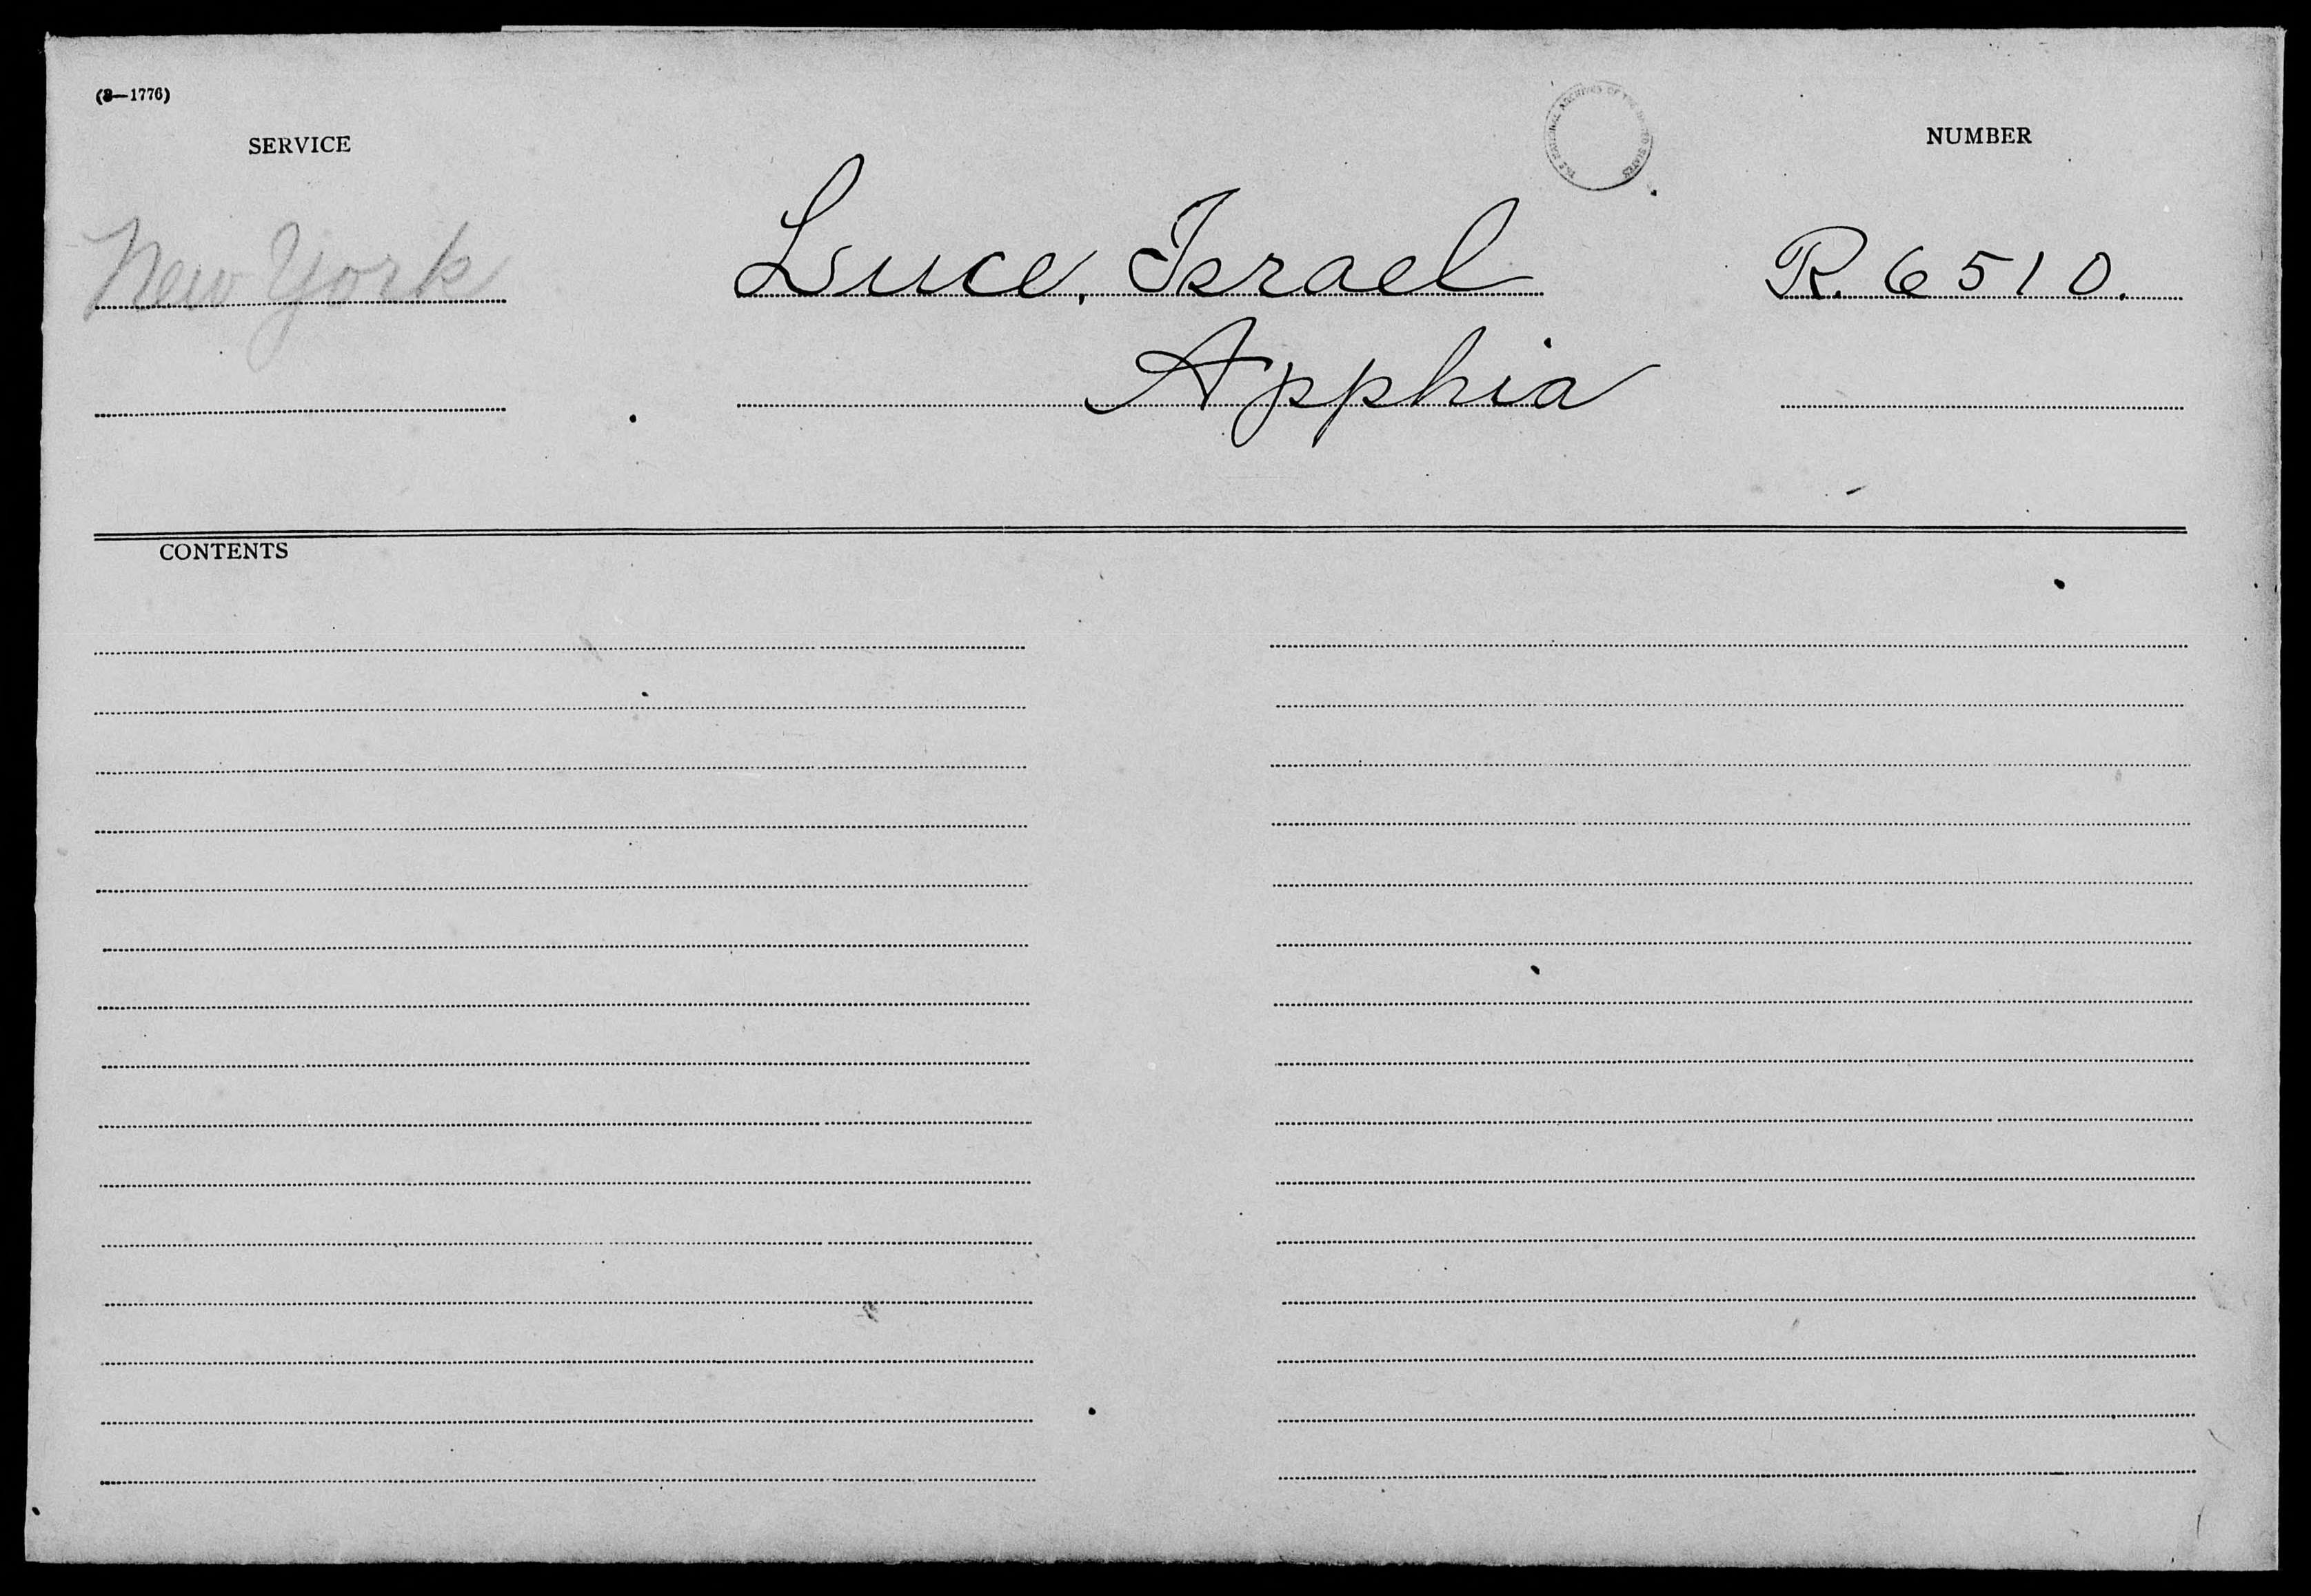SERVICE
New York

Luce, Israel
Apphia

NUMBER R.6510

CONTENTS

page: 1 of 70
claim: rejected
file: R. 6510, for Israel Luce, New York